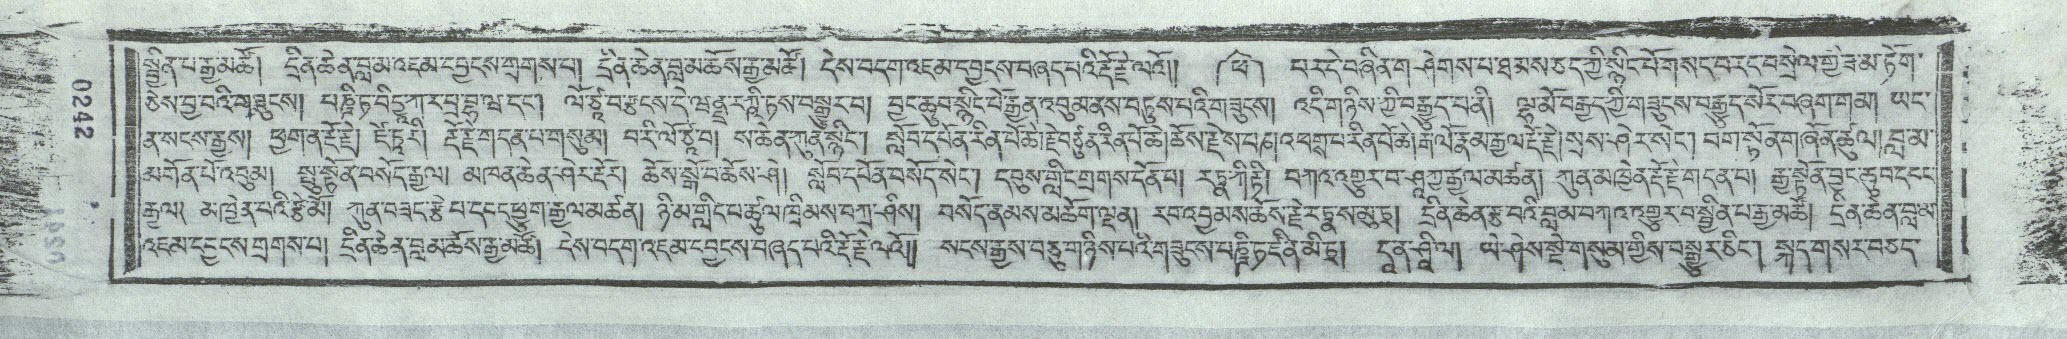སྦྱིན་པ་རྒྱ་མཚོ། དྲིན་ཆེན་བླ་མ་འཇམ་དབྱངས་གྲགས་པ། དྲིན་ཆེན་བླ་མ་ཆོས་རྒྱ་མཚོ། དེས་བདག་འཇམ་དབྱངས་བཞད་པའི་རྡོ་རྗེ་ལའོ།། {ཕ}་པར་དེ་བཞིན་གཤེགས་པ་ཐམས་ཅད་ཀྱི་སྙིང་པོ་གསང་བ་རང་བསྲེལ་གྱི་ཟ་མ་ཏོག་
ཅེས་བྱ་བའི་གཟུངས། པཎྜི་ཏ་བིདྱཱ་ཀ་ར་པྲ་བྷ་ཝ་དང་། ལོ་ཙཱ་བ་རྩངས་དེ་ཝནྡྲ་རཀྵྀ་ཏས་བསྒྱུར་བ། བྱང་ཆུབ་སྙིང་པོ་རྒྱན་འབུམ་ནས་བཏུས་པའི་གཟུངས། འདི་གཉིས་ཀྱི་རྒྱུད་པ་ནི། ལྷ་མོ་བརྒྱད་ཀྱི་གཟུངས་བརྒྱུད་སོར་བཞག་གམ། ཡང་
ན་སངས་རྒྱས། ཕྱག་ན་རྡོ་རྗེ། ཛེ་ཊཱ་རི། རྡོ་རྗེ་གདན་པ་གསུམ། བ་རི་ལོ་ཙཱ་བ། ས་ཆེན་ཀུན་སྙིང་། སློབ་དཔོན་རིན་པོ་ཆེ། རྗེ་བཙུན་རིན་པོ་ཆེ། ཆོས་རྗེས་པཎ། འཕགས་པ་རིན་པོ་ཆེ། རྒ་ལོ་རྣམ་རྒྱལ་རྡོ་རྗེ། སྲས་ཤེས་སེང་། བག་སྟོན་གཞོན་ཚུལ། བླ་མ་
མགོན་པོ་འབུམ། སྤུ་སྟོན་བསོད་རྒྱལ། མཁན་ཆེན་ཤེར་རྡོར། ཆོས་སྒོ་བ་ཆོས་ཤེས། སློབ་དཔོན་བསོད་སེང་། དབུས་སློང་གྲགས་དོན་པ། རྟྣ་ཀི་རྟི། བཀའ་འགྱུར་བ་ཤཱཀྱ་རྒྱལ་མཚན། ཀུན་མཁྱེན་རྡོ་རྗེ་གདན་པ། རྒྱ་སྟོན་བྱང་ཆུབ་དབང་
རྒྱལ༑ མཁྱེན་པའི་རྩེ་མོ། ཀུན་བཟང་རྩེ་པ་དབང་ཕྱུག་རྒྱལ་མཚན། ཉི་མ་གླིང་པ་ཚུལ་ཁྲིམས་བཀྲ་ཤིས། བསོད་ནམས་མཆོག་ལྡན། རབ་འབྱམས་ཆོས་རྗེ་རཏྣ་ས་མུ་ཏཱ། དྲིན་ཆེན་རྩ་བའི་བླ་མ་བཀའ་འགྱུར་བ་སྦྱིན་པ་རྒྱ་མཚོ། དྲིན་ཆན་བླ་མ་
འཇམ་དབྱངས་གྲགས་པ། དྲིན་ཆེན་བླ་མ་ཆོས་རྒྱ་མཚོ། དེས་བདག་འཇམ་དབྱངས་བཞད་པའི་རྡོ་རྗེ་ལའོ།། སངས་རྒྱས་བཅུ་གཉིས་པའི་གཟུངས་པཎྜི་ཏ་ཛི་ན་མི་རྩ། དཱ་ན་ཤཱི་ལ། ཡེ་ཤེས་སྡེ་གསུམ་གྱིས་སྒྱུར་ཅིང་། སྐད་གསར་བཅད་